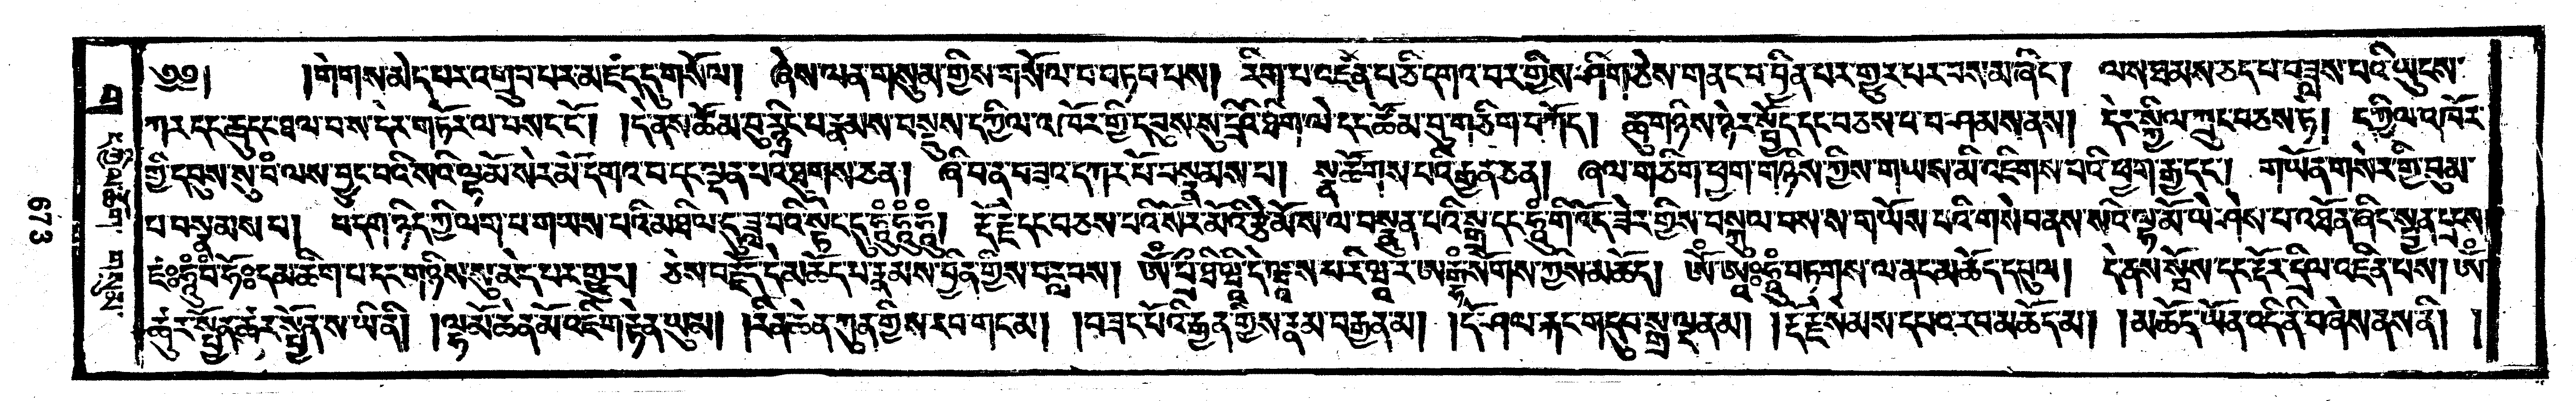༄༅། །གེགས་མེད་པར་འགྲུབ་པར་མཛད་དུ་གསོལ། ཞེས་ལན་གསུམ་གྱིས་གསོལ་བ་བཏབ་པས། རིག་པ་འཛིན་པ་ཅི་དགའ་བར་གྱིས་ཤིག་ཅེས་གནང་བ་བྱིན་པར་གྱུར་པར་བསམ་ཞིང་། ལས་ཐམས་ཅད་པ་བཟླས་པའི་ཡུངས་
ཀར་དང་ཆུ་དང་ཐལ་བ་ས་དེར་གཏོར་ལ་བསང་ངོ། །དེ་ནས་ཚོམ་བུ་རྙིང་པ་རྣམས་བསྡུས་དཀྱིལ་འཁོར་གྱི་དབུས་སུ་དྲིའི་ཐིག་ལེ་དང་ཚོམ་བུ་གཅིག་བཀོད། ཆུ་གཉིས་ཉེར་སྤྱོད་དང་བཅས་པ་བཤམས་ནས། དེར་སྐྱིལ་ཀྲུང་བཅས་ཏེ། དཀྱིལ་འཁོར་
གྱི་དབུས་སུ་བཾ་ལས་བྱུང་བའི་སའི་ལྷ་མོ་སེར་མོ་དགའ་བ་དང་ལྡན་པའི་ཐུགས་ཅན། ཞི་བ་ན་བཟའ་དཀར་པོ་བསྣམས་པ། སྣ་ཚོགས་པའི་རྒྱན་ཅན། ཞལ་གཅིག་ཕྱག་གཉིས་ཀྱིས་གཡས་མི་འཇིགས་པའི་ཕྱག་རྒྱ་དང་། གཡོན་གསེར་གྱི་བུམ་
པ་བསྣམས་པ། བདག་ཉིད་ཀྱི་ལག་པ་གཡས་པའི་མཐིལ་དུ་ཟླ་བའི་སྟེང་དུ་ཧཱུཾ་ཧཱུཾ་ཧཱུཾ། རྡོ་རྗེ་དང་བཅས་པའི་སོར་མོའི་རྩེ་མོས་ལ་བསྣུན་པའི་སྒྲ་དང་ཧཱུཾ་གི་འོད་ཟེར་གྱིས་བསྐུལ་བས་ས་གཡོས་པའི་གསེབ་ནས་སའི་ལྷ་མོ་ཡེ་ཤེས་པ་འཐོན་ཞིང་སྦྱན་དྲངས་
ཛཿཧཱུཾ་བཾ་ཧོཿདམ་ཚིག་པ་དང་གཉིས་སུ་མེད་པར་གྱུར། ཅེས་བརྗོད་དེ་མཆོད་པ་རྣམས་བྱིན་གྱིས་བརླབས། ཨོཾ་པྲྀ་ཐི་ཝཱི་དེ་ཝཱས་པ་རི་ཝཱ་ར་ཨརྒྷཾ་སོགས་ཀྱིས་མཆོད། ཨོཾ་ཨཱཿཧཱུཾ་བཏགས་ལ་ནང་མཆོད་དབུལ། དེ་ནས་སྤོས་དང་རྡོར་དྲིལ་འཛིན་པས། ཨོཾ་
ཚུར་སྤྱོན་ཚུར་སྤྱོན་ས་ཡི་ནི། །ལྷ་མོ་ཆེན་མོ་འཇིག་རྟེན་ཡུམ། །རིན་ཆེན་ཀུན་གྱིས་རབ་གང་མ། །བཟང་པོའི་རྒྱན་གྱིས་རྣམ་བརྒྱན་མ། །དོ་ཤལ་རྐང་གདུབ་སྒྲ་ལྡན་མ། །རྡོ་རྗེ་སེམས་དཔའ་རབ་མཆོད་མ། །མཆོད་ཡོན་འདི་ནི་བཞེས་ནས་ནི། །